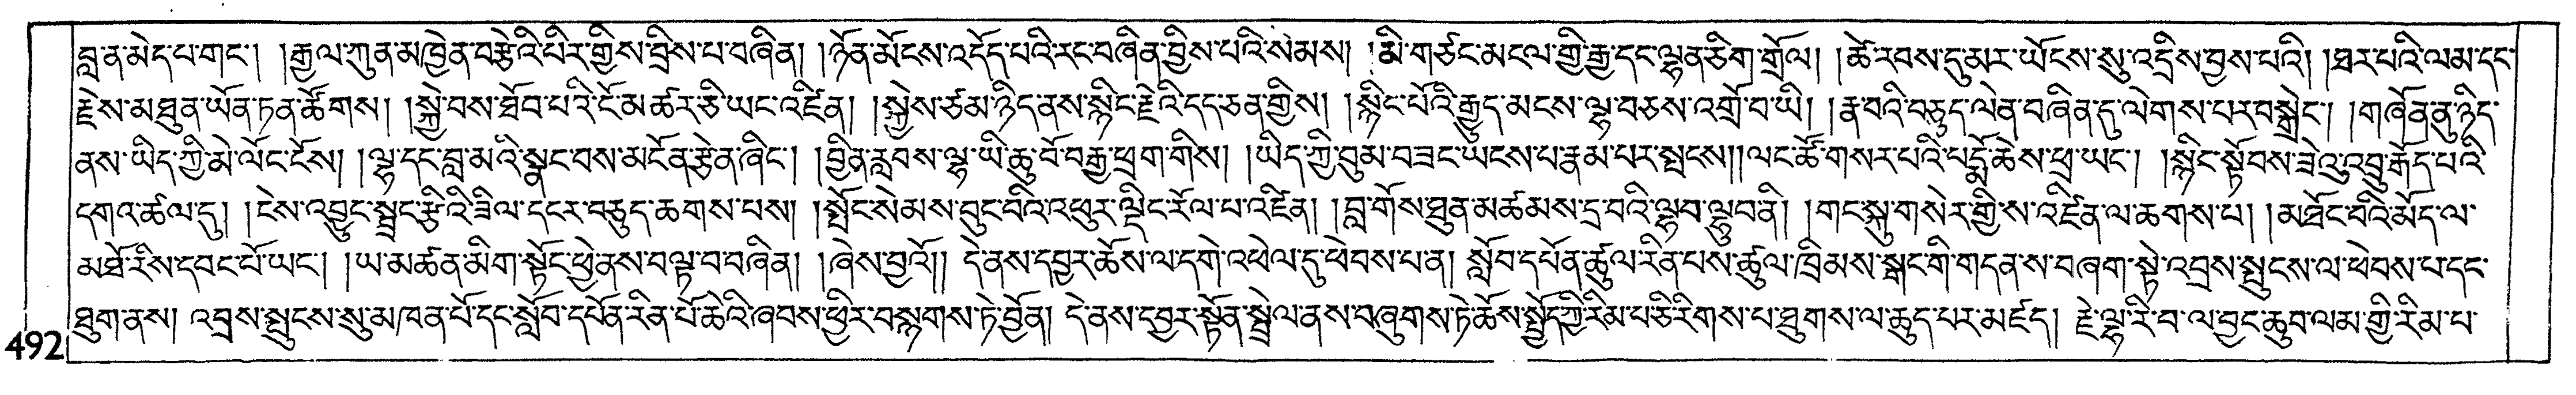བླ་ན་མེད་པ་གང་། །རྒྱལ་ཀུན་མཁྱེན་བརྩེའི་པིར་གྱིས་བྲིས་པ་བཞིན། །ཉོན་མོངས་འདོད་པའི་རང་བཞིན་བྱིས་པའི་སེམས། །མི་གཙང་མངལ་གྱི་རྒྱ་དང་ལྷན་ཅིག་གྲོལ། །ཚེ་རབས་དུ་མར་ཡོངས་སུ་འདྲིས་བྱས་པའི། །ཐར་པའི་ལམ་དང་
རྗེས་མཐུན་ཡོན་ཏན་ཚོགས། །སྐྱེ་བས་ཐོབ་པའི་ངོ་མཚར་ཅི་ཡང་འཛིན། །སྐྱེས་ཙམ་ཉིད་ནས་སྙིང་རྗེའི་དད་ཅན་གྱིས། །སྙིང་པོའི་རྒྱུད་མངས་ལྷ་བཅས་འགྲོ་བ་ཡི། །རྣ་བའི་བཅུད་ལེན་བཞིན་དུ་ལེགས་པར་བསྒྲེང་། །གཞོན་ནུ་ཉིད་
ནས་ཡིད་ཀྱི་མེ་ལོང་ངོས། །ལྷ་དང་བླ་མའི་སྣང་བས་མངོན་རྩེན་ཞིང་། །བྱིན་རླབས་ལྷ་ཡི་ཆུ་བོ་བརྒྱ་ཕྲག་གིས། །ཡིད་ཀྱི་བུམ་བཟང་ཡངས་པ་རྣམ་པར་སྤངས། །ལང་ཚོ་གསར་པའི་པདམོ་ཆེས་ཕྲ་ཡང་། །སྙིང་སྟོབས་ཟེའུ་འབྲུ་རྒོད་པའི་
དགའ་ཚལ་དུ། །ངེས་འབྱུང་སྦྲང་རྩིའི་ཟིལ་དངར་བཅུད་ཆགས་པས། །སྤོང་སེམས་བུང་བའི་འཕུར་ལྡིང་རོལ་པ་འཛིན། །བླ་གོས་ཐུན་མཚམས་དྲ་བའི་ལྷབ་ལྷུབ་ནི། །གང་སྐུ་གསེར་གྱི་ས་འཛིན་ལ་ཆགས་པ། །མཐོང་བའི་མོད་ལ་
མཐོ་རིས་དབང་པོ་ཡང་། །ཡ་མཚན་མིག་སྟོང་ཕྱེ་ནས་བལྟ་བ་བཞིན། །ཞེས་བྱའོ། །དེ་ནས་དབྱར་ཆོས་ལ་དགེ་འཕེལ་དུ་ཕེབས་པ་ན། སློབ་དཔོན་ཚུལ་རིན་པས་ཚུལ་ཁྲིམས་སྒང་གི་གདན་ས་བཞག་སྟེ་འབྲས་སྤུངས་ལ་ཕེབས་པ་དང་
ཐུག་ནས། འབྲས་སྤུངས་སུ་མཁན་པོ་དང་སློབ་དཔོན་རིན་པོ་ཆེའི་ཞབས་ཕྱིར་བསྙགས་ཏེ་བྱོན། དེ་ནས་དབྱར་སྟོན་སྦྲེལ་ནས་བཞུགས་ཏེ་ཆོས་སྤྱོད་ཀྱི་རིམ་པ་ཅི་རིགས་པ་ཐུགས་ལ་ཆུད་པར་མཛད། རྗེ་ལྷ་རི་བ་ལ་བྱང་ཆུབ་ལམ་གྱི་རིམ་པ་